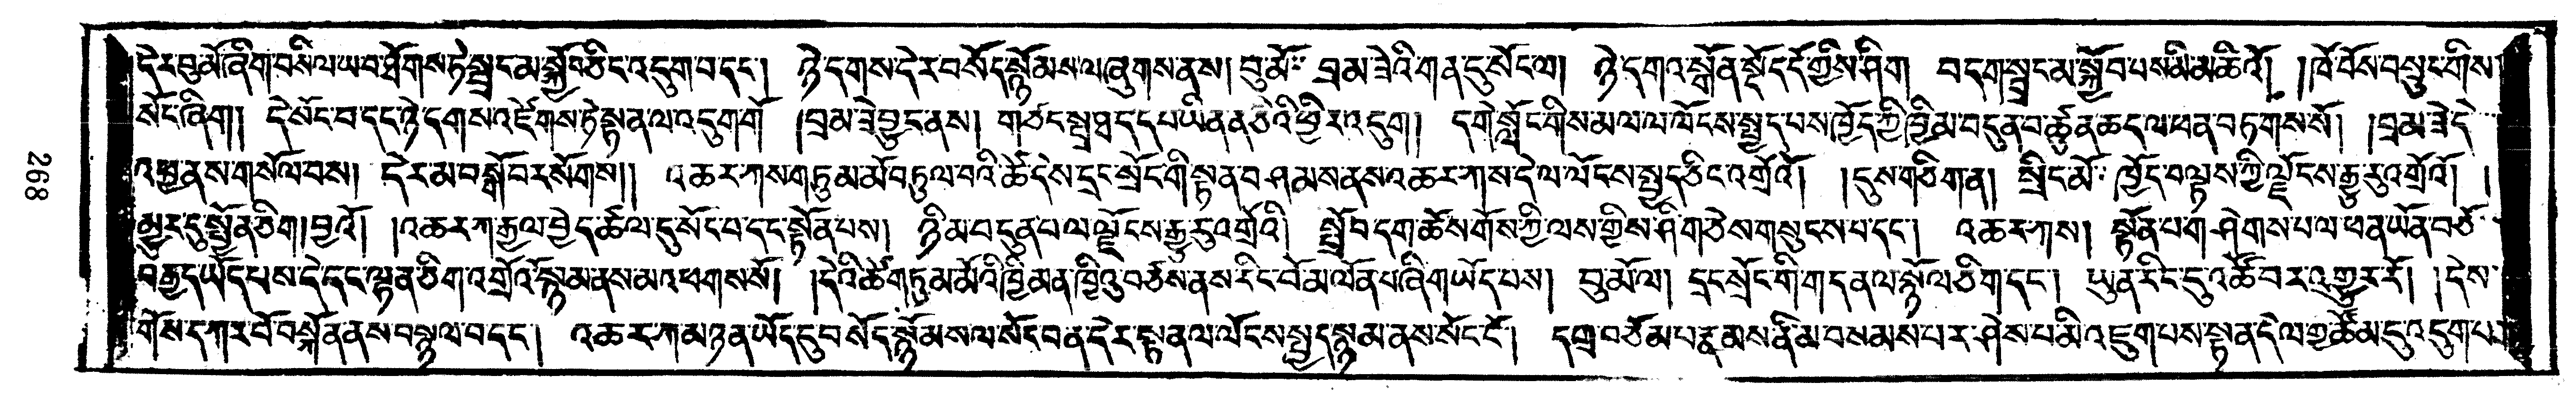དེར་བུ་མོ་ཞིག་བསིལ་ཡ་བ་ཐོགས་ཏེ་སྦྲང་མ་སྐྱོབ་ཅིང་འདུག་པ་དང་། ཉེ་དགས་དེར་བསོད་སྙོམས་ལ་ཞུགས་ནས། བུ་མོ་བྲམ་ཟེའི་གན་དུ་སོང་ལ། ཉེ་དགའ་སྒོན་སྡོད་དོ་གྱིས་ཤིག་བདག་སྦྲང་མ་སྐྱོབ་པས་མི་མཆིའོ། །ཁོ་བོས་བསྲུང་གིས་
སོང་ཞིག། དེ་སོང་བ་དང་ཉེ་དགས་འཛེགས་ཏེ་སྟན་ལ་འདུག་གོ །བྲམ་ཟེ་བྱུང་ནས། གཙང་སྦྲ་ཐ་དད་པ་ཡིན་ན་ཅིའི་ཕྱིར་འདུག། དགེ་སློང་གིས་མལ་ལ་ལོངས་སྤྱད་པས་ཁྱོད་ཀྱི་ཁྱིམ་བདུན་པ་ཚུན་ཆད་ལ་ཕན་བཏགས་སོ། །བྲམ་ཟེ་དེ་
འཕྱ་ནས་གསོལ་བས། དེར་མ་བསྒོ་བར་སོགས།། འཆར་ཀས་གཏུམ་མོ་བཏུལ་བའི་ཚེ་དེས་དྲང་སྲོང་གི་སྟན་བཤམས་ནས་འཆར་ཀས་དེ་ལ་ལོངས་སྤྱད་ཅིང་འགྲོའོ། །དུས་གཅིག་ན། སྲིང་མོ་ཁྱོད་བལྟས་ཀྱི་ལྗོངས་རྒྱུ་རུ་འགྲོའོ། །
མྱུར་དུ་སྤྱོན་ཅིག། བྱའོ། །འཆར་ཀ་རྒྱལ་བྱེད་ཚལ་དུ་སོང་བ་དང་སྟོན་པས། ཉི་མ་བདུན་པ་ལ་ལྗོངས་རྒྱུ་རུ་འགྲོའི། སྤྲོ་བ་དག་ཆོས་གོས་ཀྱི་ལས་གྱིས་ཤིག་ཅེས་གསུངས་པ་དང་། འཆར་ཀས། སྟོན་པ་གཤེགས་པ་ལ་ཕན་ཡོན་བཅོ་
བརྒྱད་ཡོད་པས་དེ་དང་ལྷན་ཅིག་འགྲོའོ་སྙམ་ནས་མ་འཕགས་སོ། །དེའི་ཚེ་གཏུམ་མོའི་ཁྱིམ་ན་ཁྱིའུ་བཙས་ནས་རིང་བོ་མ་ལོན་པ་ཞིག་ཡོད་པས། བུ་མོ་ལ། དྲང་སྲོང་གི་གདན་ལ་སྙོལ་ཅིག་དང་། ཡུན་རིང་དུ་འཚོ་བར་འགྱུར་རོ། །དེས་
གོས་དཀར་པོ་བསྐོན་ནས་བསྙལ་བ་དང་། འཆར་ཀ་མཉན་ཡོད་དུ་བསོད་སྙོམས་ལ་སོང་བ་ན་དེར་སྟན་ལ་ལོངས་སྤྱད་སྙམ་ནས་སོང་ངོ། དགྲ་བཅོམ་པ་རྣམས་ནི་མ་བསམས་པར་ཤེས་པ་མི་འཇུག་པས་སྟན་དེ་ལ་གྱ་ཚོམ་དུ་འདུག་པ་